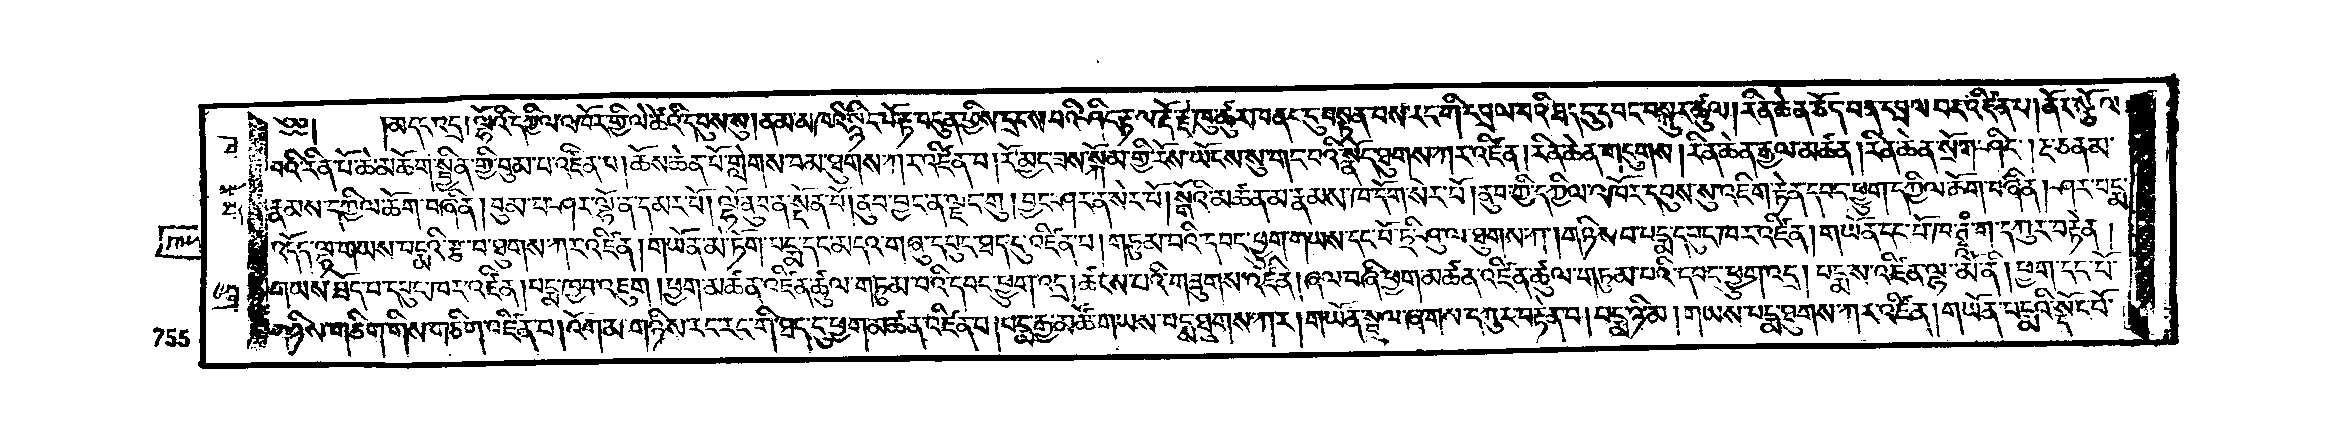༄༅། །མ་དང་འདྲ། ལྷོའི་དཀྱིལ་འཁོར་གྱི་ལེ་ཚེའི་དབུས་སུ། ནམ་མཁའི་སྙིང་པོ་རྟ་བདུན་གྱིས་དྲངས་པའི་ཤིང་རྟ་ལ་རྡོ་རྗེ་ཁུ་ཚུར་ཁ་ནང་དུ་བསྟན་པས་རང་གི་དཔྲལ་བའི་ཐད་དུ་དབང་བསྐུར་ཚུལ། རིན་ཆེན་ཅོད་པན་དབྲལ་བར་འཛིན་པ། ནོར་སྩོལ་
བའི་རིན་པོ་ཆེ་མཆོག་སྦྱིན་གྱི་བུམ་པ་འཛིན་པ། ཆོས་ཆེན་པོ་གླེགས་བམ་ཐུགས་ཀར་འཛིན་པ། རོ་མྱང་ཟས་སྐོམ་གྱི་རོས་ཡོངས་སུ་གང་པའི་སྣོད་ཐུགས་ཀར་འཛིན། རིན་ཆེན་གདུགས། རིན་ཆེན་རྒྱལ་མཚན། རིན་ཆེན་སྲོག་ཤིང་། རྔ་ཅན་མ་
རྣམས་དཀྱིལ་ཆོག་བཞིན། བུམ་པ་ཤར་ལྷོ་ན་དམར་པོ། ལྷོ་ནུབ་ན་སྔོན་པོ། ནུབ་བྱང་ན་ལྗང་གུ། བྱང་ཤར་ན་སེར་པོ། སྒོའི་མཚན་མ་རྣམས་ཁ་དོག་སེར་པོ། ནུབ་ཀྱི་དཀྱིལ་འཁོར་དབུས་སུ་འཇིག་རྟེན་དབང་ཕྱུག་དཀྱིལ་ཆོག་བཞིན། ཤར་པདམ་
འདོད་ལྷ་གཡས་པདམའི་རྩ་བ་ཐུགས་ཀར་འཛིན། གཡོན་མེ་ཏོག་པདམ་དང་མདའ་གཞུ་དཔུང་ཐད་དུ་འཛིན་པ། གཏུམ་པའི་དབང་ཕྱུག་གཡས་དང་པོ་ཏྲི་ཤུ་ལ་ཐུགས་ཀ། གཉིས་པ་པདམ་དཔུང་ཁར་འཛིན། གཡོན་དང་པོ་ཁ་ཊྭཱཾ་ག་དཀུར་བརྟེན།
གཡས་ཐོད་པ་དཔུང་ཁར་འཛིན། པདམ་ཁྱབ་འཇུག །ཕྱག་མཚན་འཛིན་ཚུལ་གཏུམ་པའི་དབང་ཕྱུག་འདྲ། ཚངས་པའི་གཟུགས་འཛིན། ཞལ་བཞི་ཕྱག་མཚན་འཛིན་ཚུལ་གཏུམ་པའི་དབང་ཕྱུག་འདྲ། པདམ་ས་འཛིན་ལྷ་མོ་ནི། ཕྱག་དང་པོ་
གཉིས་གཅིག་གིས་གཅིག་འཛིན་པ། འོག་མ་གཉིས་རང་རང་གི་ཐད་དུ་ཕྱག་མཚན་འཛིན་པ། པདམ་རྒྱ་མཚོ་གཡས་པདམ་ཐུགས་ཀར། གཡོན་སྤྲུལ་ཞགས་དཀུར་བརྟེན་པ། པདམ་ཉི་མ། གཡས་པདམ་ཐུགས་ཀར་འཛིན། གཡོན་པདམའི་སྡོང་པོ་